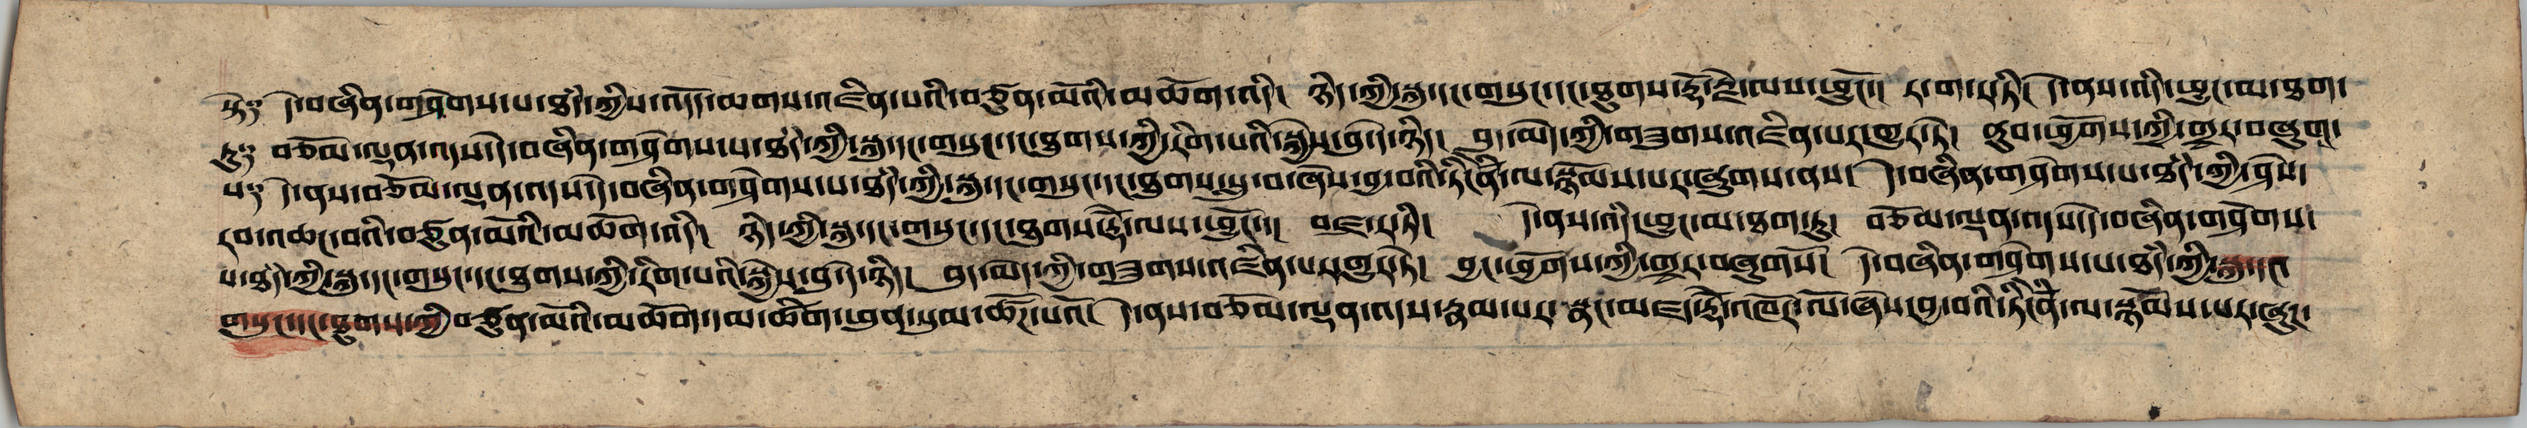སྟེ༑ དེ་བཞིན་གཤེགས་པ་ཐཾད་ཀྱིས་འདོད་ཆགས་འཛིན་པའི་བཙུན་མོའི་མཆོག་འདི། ཉིད་ཀྱི་སྐུ་དང་གསུང་དང་ཐུགས་རྡོ་རྗེ་ལས་ཕྱུངོ་། ར་ག་ར་ཏི། དེ་ནས་འདི་ཕྱུང་མ་ཐག་
ཏུ༑ བཅོམ་ལྡན་འདས་དེ་བཞིན་གཤེགས་པ་ཐཾད་ཀྱི་སྐུ་དང་གསུང་དང་ཐུགས་ཀྱི་རིག་པའི་སྐྱེས་བུ་དེ་ཉིད། བུད་མེད་ཀྱི་གཟུགས་འཛིན་པར་གྱུར་ཏེ། ནུབ་ཕྱོགས་ཀྱི་གྲྭར་བཞུགས་
པ༑ དེ་ནས་བཅོམ་ལྡན་འདས་དེ་བཞིན་གཤེགས་པ་ཐཾད་ཀྱི་སྐུ་དང་གསུང་དང་ཐུགས་སླུ་བ་ཞེས་བྱ་བའི་ཏིངེཛིན་ལ་སྙོམས་པར་ཞུགས་ནས། དེ་བཞིན་གཤེགས་པ་ཐཾད་ཀྱི་ཤེས་
རབ་འཆང་བའི་བཙུན་མོའི་མཆོག་འདི། ཉིད་ཀྱི་སྐུ་དང་གསུང་དང་ཐུགས་རྡོེ་ལས་ཕྱུངོ་་། བཛྲ་ར་ཏི། དེ་ནས་འདི་ཕྱུང་མ་ཐག་ཏུ། བཅོམ་ལྡན་འདས་དེ་བཞིན་གཤེགས་
པ་ཐཾད་ཀྱི་སྐུ་དང་གསུང་དང་ཐུགས་ཀྱི་རིག་པའི་སྐྱེས་བུ་དེ་ཉིད། བུད་མེད་ཀྱི་གཟུགས་འཛིན་པར་གྱུར་ཏེ། བྱང་ཕྱོགས་ཀྱི་གྲྭར་བཞུགསོ། དེ་བཞིན་གཤེགས་པ་ཐཾད་ཀྱི་སྐུ་དང་
གསུང་དང་ཐུགས་ཀྱི་བཙུན་མོའི་མཆོག་དམ་ཚིག་ཕུན་སུམ་ཚོཌ་པའོ། དེ་ནས་བཅོམ་ལྡན་འདས་རྣམ་པར་སྣང་མཛད་རྡོེ་འཁོར་ལོ་ཞེས་བྱ་བའི་ཏིངེཛིན་ལ་སྙོམས་པར་ཞུཌ་